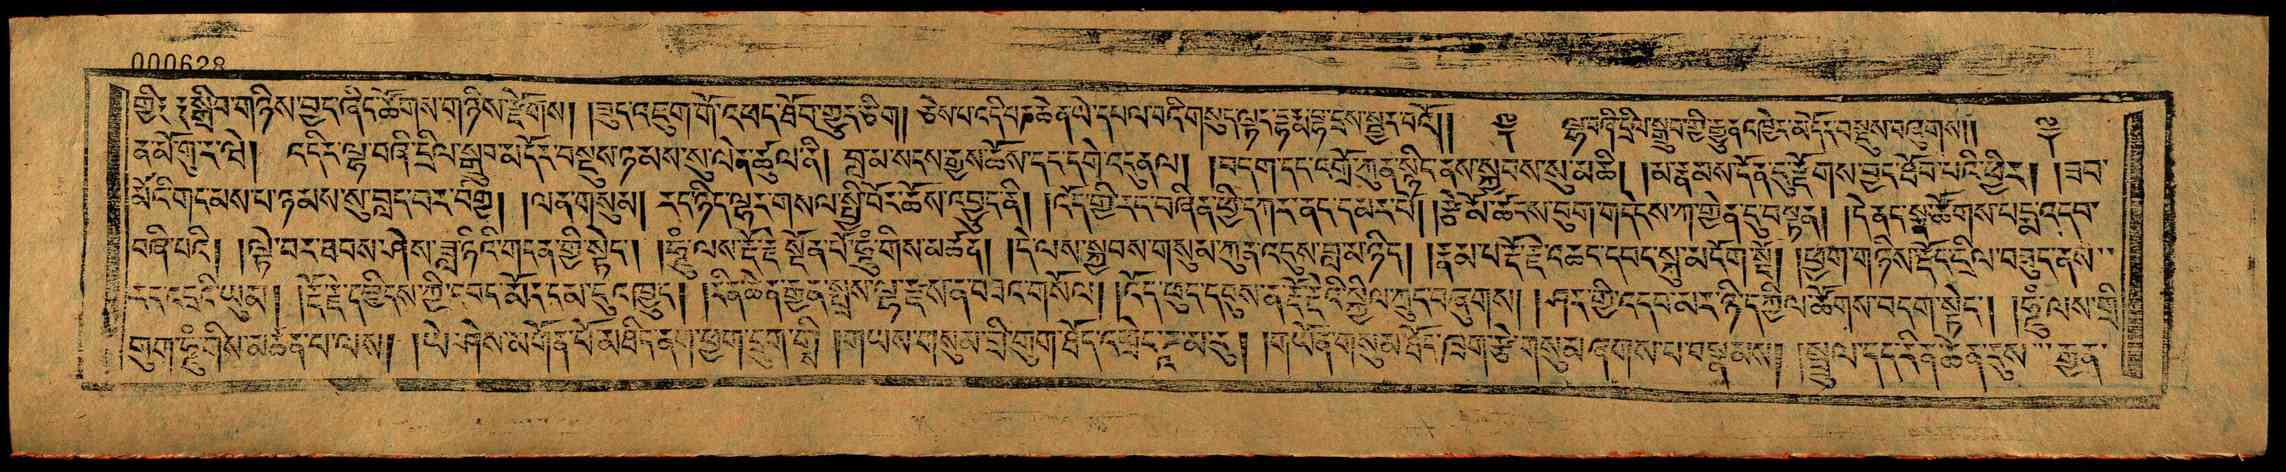གྱི༑ ༑སྒྲིབ་གཉིས་བྱང་ཞིང་ཚོགས་གཉིས་རྫོགས། །ཟུང་འཇུག་གོ་འཕང་ཐོབ་གྱུར་ཅིག །ཅེས་པ་འདི་པཎ་ཆེན་ཡེ་དཔལ་བའི་གསུང་ལྟར་དྷ་རྨ་བྷ་དྲས་སྦྱར་བའོ།། ༈ ལྷ་བཞི་དྲིལ་སྒྲུབ་གྱི་རྒྱུན་འཁྱེར་མདོར་བསྡུས་བཞུགས།། ༈
ན་མོ་གུ་ར་ཝེ། འདིར་ལྷ་བཞི་དྲིལ་སྒྲུབ་མདོར་བསྡུས་ཉམས་སུ་ལེན་ཚུལ་ནི། བླ་མ་སངས་རྒྱས་ཆོས་དང་དགེ་འདུན་ལ། །བདག་དང་འགྲོ་ཀུན་སྙིང་ནས་སྐྱབས་སུ་མཆི། །མ་རྣམས་དོན་དུ་རྫོགས་བྱང་ཐོབ་པའི་ཕྱིར། །ཟབ་
མོའི་གདམས་པ་ཉམས་སུ་བླང་བར་བགྱི། །ལན་གསུམ། རང་ཉིད་ལྷར་གསལ་སྤྱི་བོར་ཆོས་འབྱུང་ནི། །འོད་ཀྱི་རང་བཞིན་ཕྱི་དཀར་ནང་དམར་པོ། །རྩེ་མོ་ཚངས་བུག་གདེངས་ཀ་གྱེན་དུ་བསྟན། །དེ་ནང་སྣ་ཚོགས་པདམ་འདབ་
བཞི་པའི། །ལྟེ་བར་ཐབས་ཤེས་ཟླ་ཉིའི་གདན་གྱི་སྟེང་། །ཧཱུཾ་ལས་རྡོ་རྗེ་སྔོན་པོ་ཧཱུཾ་གིས་མཚན། །དེ་ལས་སྐྱབས་གསུམ་ཀུན་འདུས་བླ་མ་ཉིད། །རྣམ་པ་རྡོ་རྗེ་འཆང་དབང་སྐུ་མདོག་སྔོ། །ཕྱག་གཉིས་རྡོར་དྲིལ་བཟུང་ནས་
རང་འདྲའི་ཡུམ། །རྡོ་རྗེ་དབྱིངས་ཀྱི་དབང་མོར་དམ་དུ་འཁྱུད། །རིན་ཆེན་རྒྱན་སྤྲས་ལྷ་རྫས་ན་བཟའ་གསོལ། །འོད་ཕུང་དབུས་ན་རྡོ་རྗེའི་སྐྱིལ་ཀྲུང་བཞུགས། །ཤར་གྱི་འདབ་མར་ཉི་དཀྱིལ་ཚོགས་བདག་སྟེང་། །ཧཱུཾ་ལས་གྲི་
གུག་ཧཱུཾ་གིས་མཚན་པ་ལས། །ཡེ་ཤེས་མགོན་པོ་མཐིང་ནག་ཕྱག་དྲུག་གིས་།གཡས་གསུམ་གྲི་གུག་ཐོད་འཕྲེང་ཌཱ་མ་རུ། །གཡོན་གསུམ་ཐོད་ཁྲག་རྩེ་གསུམ་ཞགས་པ་བསྣམས། །སྦྲུལ་དང་རིན་ཆེན་རུས་རྒྱན་